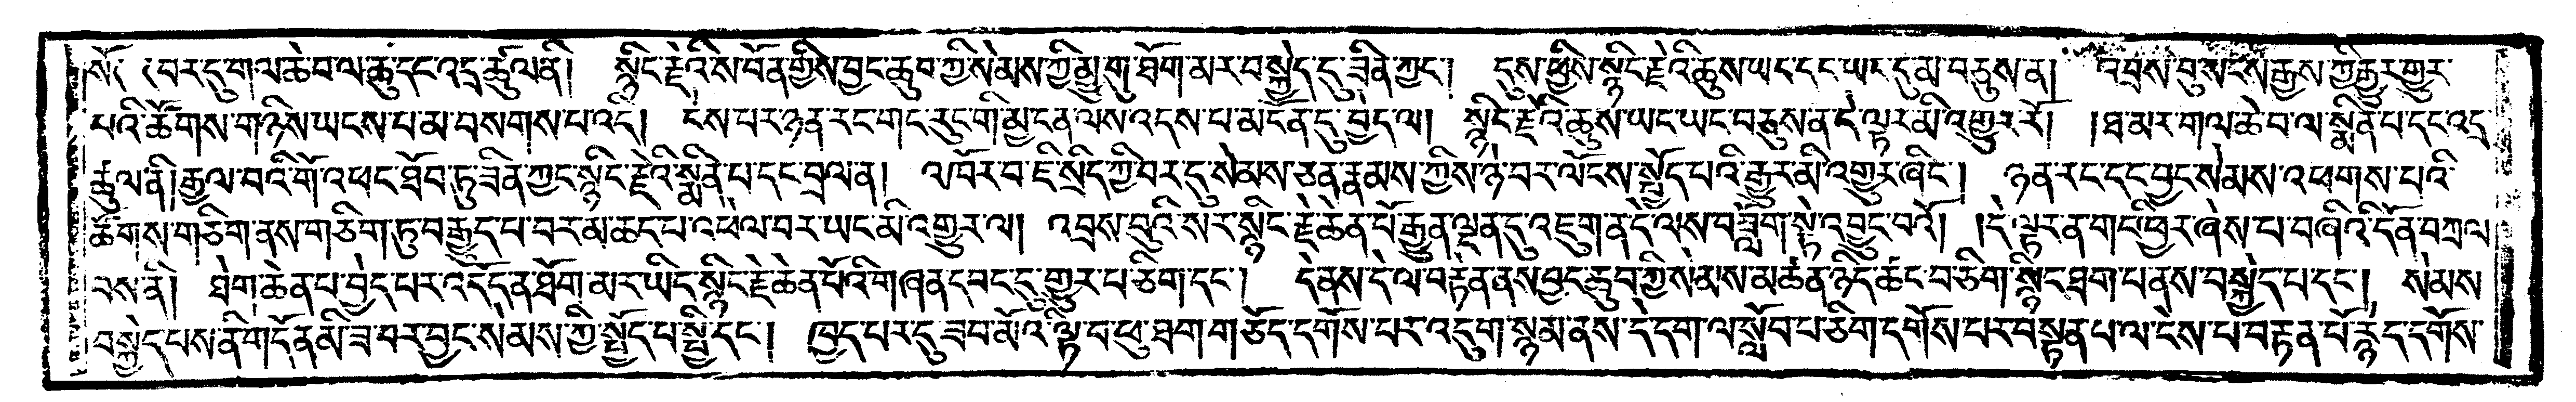སོ༑ ༑བར་དུ་གལ་ཆེ་བ་ལ་ཆུ་དང་འདྲ་ཚུལ་ནི། སྙིང་རྗེའི་ས་བོན་གྱིས་བྱང་ཆུབ་ཀྱི་སེམས་ཀྱི་མྱུ་གུ་ཐོག་མར་བསྐྱེད་དུ་ཟིན་ཀྱང་། དུས་ཕྱིས་སྙིང་རྗེའི་ཆུས་ཡང་དང་ཡང་དུ་མ་བཅུས་ན། འབྲས་བུ་སངས་རྒྱས་ཀྱི་རྒྱུར་གྱུར་
པའི་ཚོགས་གཉིས་ཡངས་པ་མ་བསགས་པ་འདི། ངེས་པར་ཉན་རང་གང་རུང་གི་མྱ་ངན་ལས་འདས་པ་མངོན་དུ་བྱེད་ལ། སྙིང་རྗེའི་ཆུས་ཡང་ཡང་བཅུས་ན་དེ་ལྟར་མི་འགྱུར་རོ། །ཐ་མར་གལ་ཆེ་བ་ལ་སྨིན་པ་དང་འདྲ་
ཚུལ་ནི། །རྒྱལ་བའི་གོ་འཕང་ཐོབ་ཏུ་ཟིན་ཀྱང་སྙིང་རྗེའི་སྨིན་པ་དང་བྲལ་ན། འཁོར་བ་ཇི་སྲིད་ཀྱི་བར་དུ་སེམས་ཅན་རྣམས་ཀྱིས་ཉེ་བར་ལོངས་སྤྱོད་པའི་རྒྱུར་མི་འགྱུར་ཞིང་། ཉན་རང་དང་བྱང་སེམས་འཕགས་པའི་
ཚོགས་གཅིག་ནས་གཅིག་ཏུ་བརྒྱུད་པ་བར་མ་ཆད་པ་འཕེལ་བར་ཡང་མི་འགྱུར་ལ། འབྲས་བུའི་སར་སྙིང་རྗེ་ཆེན་པོ་རྒྱུན་ལྡན་དུ་འཇུག་ན་དེ་ལས་བཟློག་སྟེ་འབྱུང་བའོ། །དེ་ལྟར་ན་གང་ཕྱིར་ཞེས་པ་བཞིའི་དོན་བཀྲལ་
བས་ནི། ཐེག་ཆེན་པ་བྱེད་པར་འདོད་ན་ཐོག་མར་ཡིད་སྙིང་རྗེ་ཆེན་པོའི་གཞན་དབང་དུ་གྱུར་པ་ཞིག་དང་། དེ་ནས་དེ་ལ་བརྟེན་ནས་བྱང་ཆུབ་ཀྱི་སེམས་མཚན་ཉིད་ཚང་བ་ཅིག་སྙིང་ཐག་པ་ནས་བསྐྱེད་པ་དང་། སེམས་
བསྐྱེད་པས་ནི་གདོན་མི་ཟ་བར་བྱང་སེམས་ཀྱི་སྤྱོད་པ་སྤྱི་དང་། ཁྱད་པར་དུ་ཟབ་མོའི་ལྟ་བ་ཕུ་ཐག་གཅོད་དགོས་པར་འདུག་སྙམ་ནས་དེ་དག་ལ་སློབ་པ་ཅིག་དགོས་པར་བསྟན་པ་ལ་ངེས་པ་བརྟན་པོ་རྙེད་དགོས་